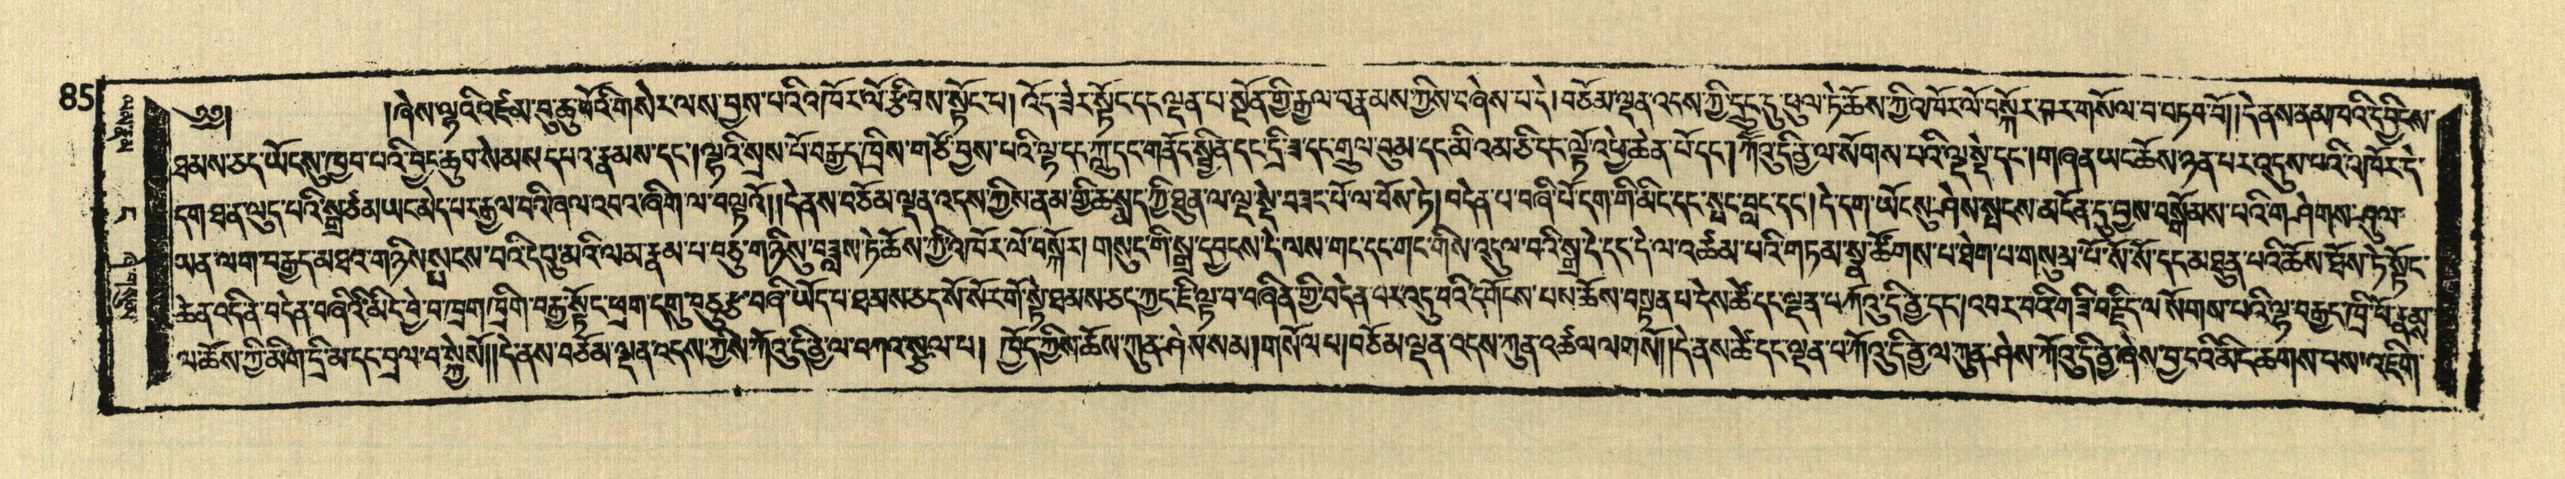༄༅། །ཞེས་ལྷའི་འཛམ་བུ་ཆུ་པོའི་གསེར་ལས་བྱས་པའི་འཁོར་ལོ་རྩིབས་སྟོང་པ། འོད་ཟེར་སྟོང་དང་ལྡན་པ་སྔོན་གྱི་རྒྱལ་བ་རྣམས་ཀྱིས་བཞེས་པ་དེ། བཅོམ་ལྡན་འདས་ཀྱི་དྲུང་དུ་ཕུལ་ཏེ་ཆོས་ཀྱི་འཁོར་ལོ་བསྐོར་བར་གསོལ་བ་བཏབ་བོ། །དེ་ནས་ནམ་མཁའི་དབྱིངས་
ཐམས་ཅད་ཡོངས་སུ་ཁྱབ་པའི་བྱང་ཆུབ་སེམས་དཔའ་རྣམས་དང་། ལྷའི་སྲས་པོ་བརྒྱད་ཁྲིས་གཙོ་བྱས་པའི་ལྷ་དང་ཀླུ་དང་གནོད་སྦྱིན་དང་དྲི་ཟ་དང་གྲུལ་བུམ་དང་མིའམ་ཅི་དང་ལྟོ་འཕྱེ་ཆེན་པོ་དང་། ཀཽའུ་དི་ནྱ་ལ་སོགས་པའི་ལྔ་སྡེ་དང་། གཞན་ཡང་ཆོས་ཉན་པར་འདུས་པའི་འཁོར་དེ་
དག་ཐ་ན་ལུད་པའི་སྒྲ་ཙམ་ཡང་མེད་པར་རྒྱལ་བའི་ཞལ་འབའ་ཞིག་ལ་བལྟའོ། །དེ་ནས་བཅོམ་ལྡན་འདས་ཀྱིས་ནམ་གྱི་ཆ་སྨད་ཀྱི་ཐུན་ལ་ལྔ་སྡེ་བཟང་པོ་ལ་བོས་ཏེ། བདེན་པ་བཞི་པོ་དག་གི་མིང་དང་སྤང་བླང་དང་། དེ་དག་ཡོངས་སུ་ཤེས་སྤངས་མངོན་དུ་བྱས་བསྒོམས་པའི་གཤེགས་ཤུལ་
ཡན་ལག་བརྒྱད་མཐའ་གཉིས་སྤངས་བའི་དབུ་མའི་ལམ་རྣམ་པ་བཅུ་གཉིས་སུ་བཟླས་ཏེ་ཆོས་ཀྱི་འཁོར་ལོ་བསྐོར། གསུང་གི་སྒྲ་དབྱངས་དེ་ལས་གང་དང་གང་གིས་འདུལ་བའི་སྒྲ་དེ་དང་དེ་ལ་འཚམ་པའི་གཏམ་སྣ་ཚོགས་པ་ཐེག་པ་གསུམ་པོ་སོ་སོ་དང་མཐུན་པའི་ཆོས་ཐོས་ཏེ་སྟོང་
ཆེན་འདི་ན་བདེན་བཞིའི་མིང་བྱེ་བ་ཁྲག་ཁྲིག་བརྒྱ་སྟོང་ཕྲག་དགུ་བཅུ་རྩ་བཞི་ཡོད་པ་ཐམས་ཅད་སོ་སོར་གོ་སྟེ་ཐམས་ཅད་ཀྱང་ཇི་ལྟ་བ་བཞིན་གྱི་བདེན་པར་འདུ་བའི་དགོངས་པས་ཆོས་བསྟན་པ་དེས་ཚེ་དང་ལྡན་པ་ཀོའུ་དི་ནྱ་དང་། འབར་བའི་གཟི་བརྗིད་ལ་སོགས་པའི་ལྷ་བརྒྱད་ཁྲི་བོ་རྣམས་
ལ་ཆོས་ཀྱི་མིག་དྲི་མ་དང་བྲལ་བ་སྐྱེས་སོ། །དེ་ནས་བཅོམ་ལྡན་འདས་ཀྱིས་ཀོའུ་དི་ནྱ་ལ་བཀའ་སྩལ་པ། ཁྱོད་ཀྱིས་ཆོས་ཀུན་ཤེས་སམ། གསོལ་པ། བཅོམ་ལྡན་འདས་ཀུན་འཚལ་ལགས་སོ། །དེ་ནས་ཚེ་དང་ལྡན་པ་ཀོའུ་དི་ནྱ་ལ་ཀུན་ཤེས་ཀོའུ་དི་ནྱ་ཞེས་བྱ་བའི་མིང་ཆགས་པས་འཇིག་